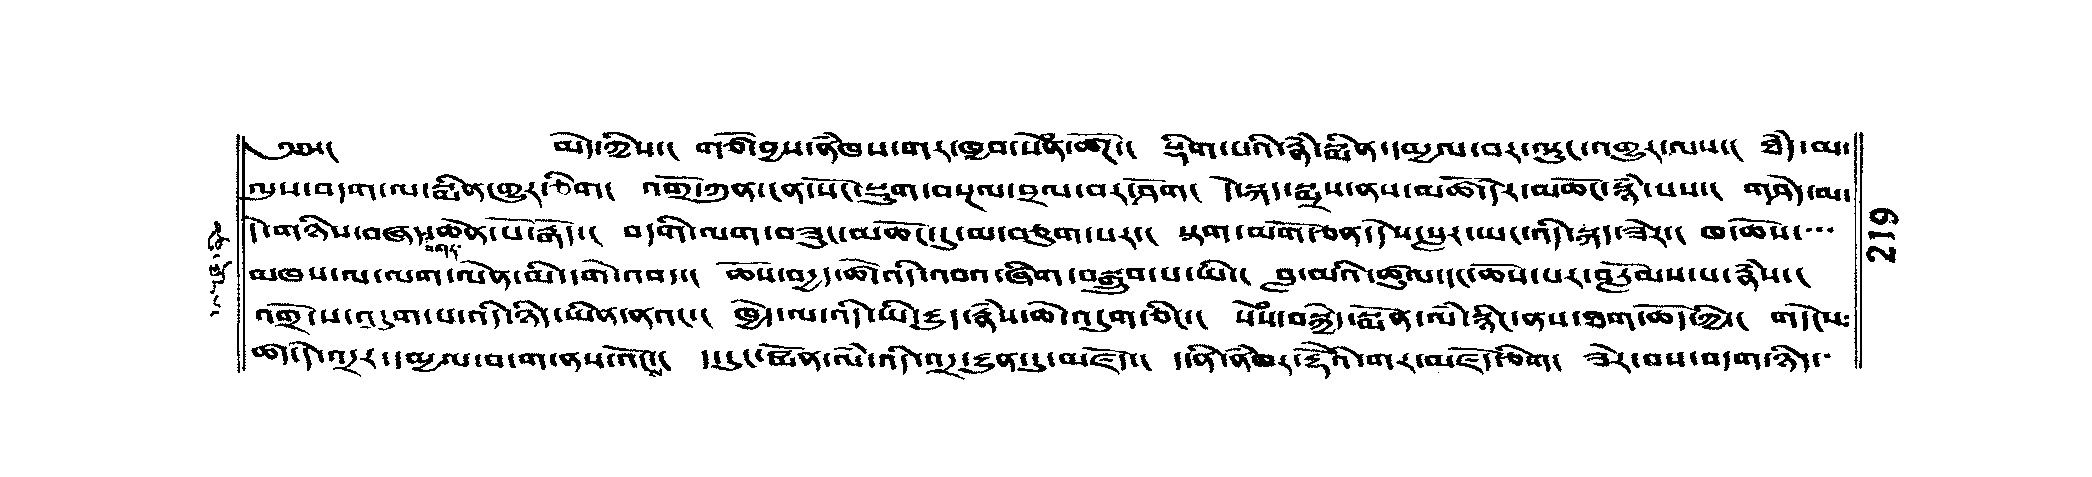མེད་ཀྱིས། །གཙོ་བྱས་ནམ་མཁས་གར་ཁྱབ་སེམས་ཅན་ཚོགས། །སྡིག་པའི་རྣམ་སྨིན་དམྱལབར་ལྟུང་འགྱུར་ལས། །ཐམས་ཅད་མ་
ལུས་བདག་ལ་སྨིན་གྱུར་ཅིག །འགྲོ་ཀུན་ངན་སོང་སྡུག་བསྔལ་བྲལ་བར་ཤོག །དེ་སྐད་སྨྲས་ནས་མཚོ་དེར་མཆོང་སྙམ་པས། །གཤེད་མ་
དེ་གཉིས་བཞད་གང་ཆེན་པོ་བགད། །བདག་གི་ལག་བཟུང་མཆོང་དུ་མ་བཅུག་པར། །སྟག་མགོ་ཅན་དེས་སླར་ཡང་འདི་སྐད་ཟེར། །ཁ་ཆོས་
མཁས་ལ་ལག་ལེན་མི་དགེ་འབད། །ཆོས་བརྒྱད་ཚེ་འདི་འབའ་ཞིག་བསྒྲུབ་པ་ཡི། །བླ་མའི་ཚུལ་དང་ཆོས་པར་བརློམས་པ་རྣམས། །
འགྲོ་ས་འདུག་ས་འདི་ཉིད་ཡིན་ནའང་། །ཁྱེད་ལ་འདི་ཡི་རྒྱུས་རྣམས་ཆེ་འདུག་ཅིང་། །སེམས་བསྐྱེད་སྨོན་ལམ་སྙིང་ནས་ཐག་ཆོད་ཀྱི། །གདེངས་
ཚད་དེ་འདྲར་དམྱལ་བ་ག་ནས་འོངས། །ད་དུང་སྨོན་ལམ་འདི་འདྲ་རྒྱུན་དུ་མཛོད། །ད་ནི་ནམ་མཁར་རྡོ་རྗེའི་གར་མཛོད་ཅིག །ཟེར་བས་བདག་ཉིད་